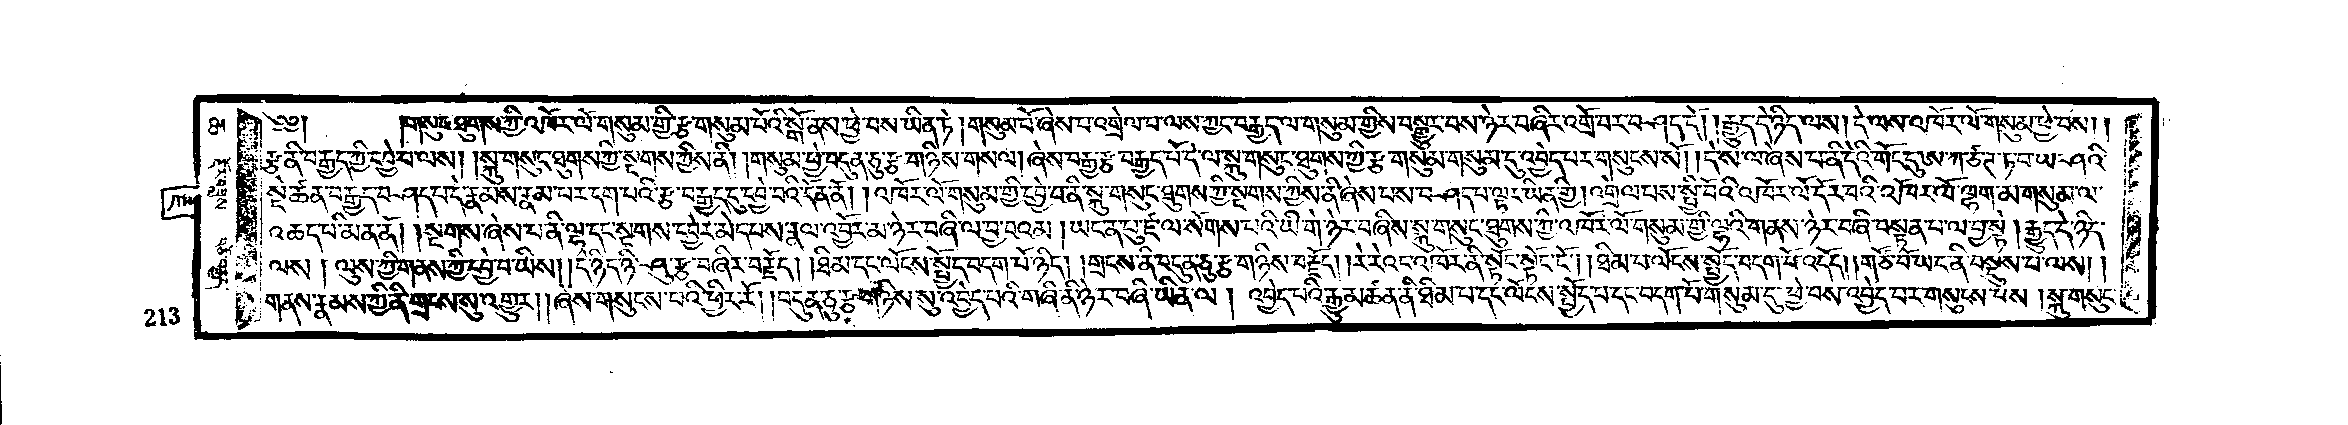༄༅། །གསུང་ཐུགས་ཀྱི་འཁོར་ལོ་གསུམ་གྱི་རྩ་གསུམ་པོའི་སྒོ་ནས་ཕྱེ་བས་ཡིན་ཏེ། གསུམ་པོ་ཞེས་པ་འགྲེལ་པ་ལས་ཀྱང་བརྒྱད་ལ་གསུམ་གྱིས་བསྒྱུར་བས་ཉེར་བཞིར་འགྲོ་བར་བཤད་དོ། །རྒྱུད་དེ་ཉིད་ལས། དེ་ལས་འཁོར་ལོ་གསུམ་ཕྱེ་བས། །
རྩ་ནི་བརྒྱད་ཀྱི་དབྱེ་བ་ལས། །སྐུ་གསུང་ཐུགས་ཀྱི་སྔགས་ཀྱིས་ནི། །གསུམ་ཕྱེ་བདུན་ཅུ་རྩ་གཉིས་གསལ། ཞེས་བརྒྱ་རྩ་བརྒྱད་པོ་དེ་ལ་སྐུ་གསུང་ཐུགས་ཀྱི་རྩ་གསུམ་གསུམ་དུ་འབྱེད་པར་གསུངས་སོ། །དེ་ས་ལ་ཞེས་པ་ནི་དེའི་གོང་དུ་ཨ་ཀ་ཙ་ཊ་ཏ་པ་ཡ་ཤའི་
སྡེ་ཚན་བརྒྱད་བཤད་པ་དེ་རྣམས་རྣམ་པར་དག་པའི་རྩ་བརྒྱད་དུ་དབྱེ་བའི་དོན་ནོ། །འཁོར་ལོ་གསུམ་གྱི་དབྱེ་བ་ནི་སྐུ་གསུང་ཐུགས་ཀྱི་སྔགས་ཀྱིས་ནི་ཞེས་པས་བཤད་པ་ལྟར་ཡིན་གྱི། འགྲེལ་པས་སྤྱི་བོའི་འཁོར་ལོ་དོར་བའི་འཁོར་ལོ་ལྷག་མ་གསུམ་ལ་
འཆད་པ་མིན་ནོ། །སྔགས་ཞེས་པ་ནི་ལྷ་དང་སྔགས་དབྱེར་མེད་པས་རྣལ་འབྱོར་མ་ཉེར་བཞི་ལ་བྱ་བའམ། ཡང་ན་པུ་ཛ་ལ་སོགས་པའི་ཡི་གེ་ཉེར་བཞིས་སྐུ་གསུང་ཐུགས་ཀྱི་འཁོར་ལོ་གསུམ་གྱི་ལྷའི་གནས་ཉེར་བཞི་བསྟན་པ་ལ་བྱ་སྟེ། རྒྱུད་དེ་ཉིད་
ལས། །ལུས་ཀྱི་གནས་ཀྱི་དབྱེ་བ་ཡིས། །དེ་ཉིད་ཉི་ཤུ་རྩ་བཞིར་བརྗོད། །ཐིམ་དང་ལོངས་སྤྱོད་བདག་པོ་ཉིད། །གྲངས་ནི་བདུན་ཅུ་རྩ་གཉིས་བརྗོད། །རེ་རེའང་འཁོར་ནི་སྟོང་སྟོང་ངོ། །ཐིམ་པ་ལོངས་སྤྱོད་བདག་པོ་འདོད། །གཙོ་བོ་ཡང་ནི་བསྡུས་པ་ལས། །
གནས་རྣམས་ཀྱི་ནི་གྲངས་སུ་འགྱུར། །ཞེས་གསུངས་པའི་ཕྱིར་རོ། །བདུན་ཅུ་རྩ་གཉིས་སུ་འབྱེད་པའི་གཞི་ནི་ཉེར་བཞི་ཡིན་ལ། འབྱེད་པའི་རྒྱུ་མཚན་ནི་ཐིམ་པ་དང་ལོངས་སྤྱོད་པ་དང་བདག་པོ་གསུམ་དུ་ཕྱེ་བས་འབྱེད་པར་གསུངས་པས། སྐུ་གསུང་